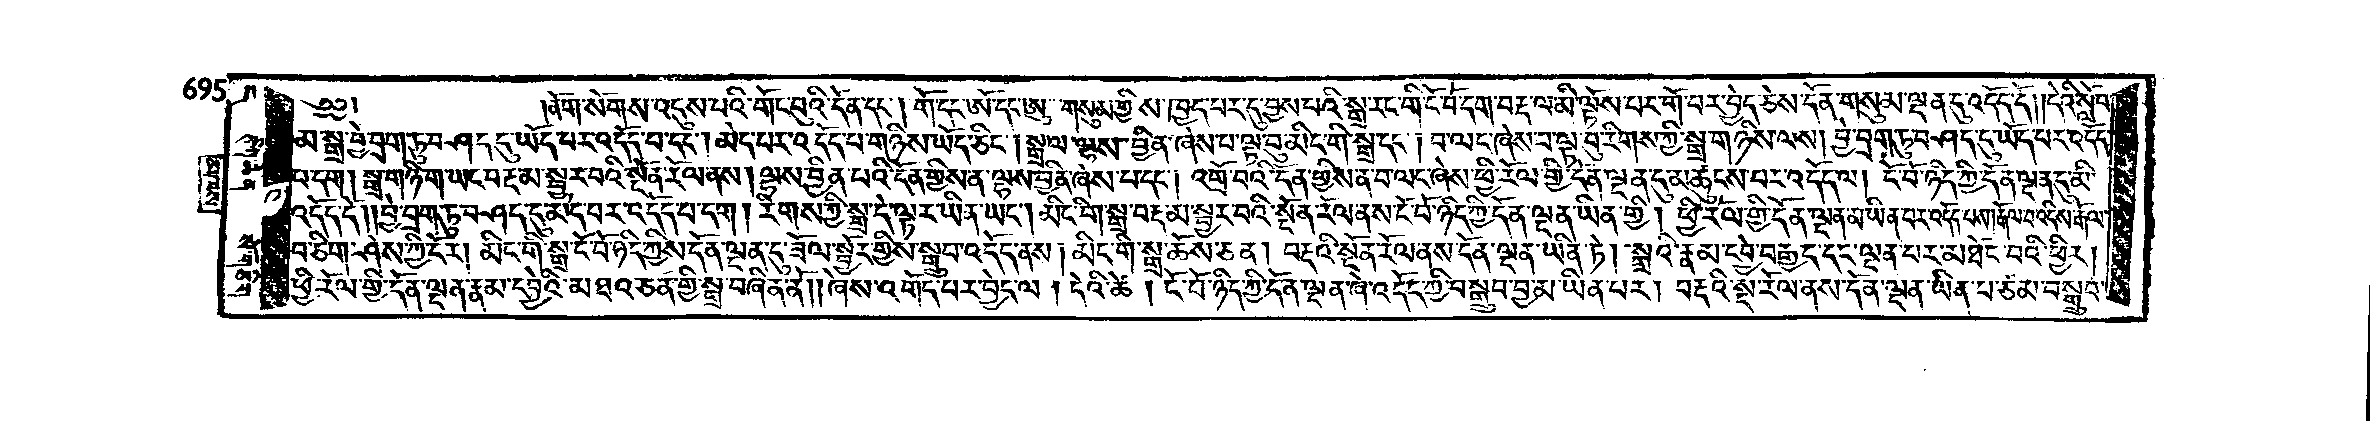༄༅། །ནོག་སོགས་འདུས་པའི་གོང་བུའི་དོན་དང་། གོ་དང་ཨོ་དང་ཨུ་གསུམ་གྱིས་ཁྱད་པར་དུ་བྱས་པའི་སྒྲ་རང་གི་ངོ་བོ་དག་བརྡ་ལ་མི་ལྟོས་པར་གོ་བར་བྱེད་ཅེས་དོན་གསུམ་ལྡན་དུ་འདོད་དོ། །དེའི་སློབ་
མ་སྒྲ་བྱེ་བྲག་ཏུ་བཤད་དུ་ཡོད་པར་འདོད་པ་དང་། མེད་པར་འདོད་པ་གཉིས་ཡོད་ཅིང་། སྒྲ་ལ་ལྷས་བྱིན་ཞེས་པ་ལྟ་བུ་མིང་གི་སྒྲ་དང་། བ་ལང་ཞེས་པ་ལྟ་བུ་རིགས་ཀྱི་སྒྲ་གཉིས་ལས། བྱེ་བྲག་ཏུ་བཤད་དུ་ཡོད་པར་འདོད་
པ་དག། སྒྲ་གཉི་ཡང་བརྡ་མ་སྦྱར་བའི་སྔོན་རོལ་ནས། ལྷས་བྱིན་པའི་དོན་གྱིས་ན་ལྷས་བྱིན་ཞེས་པ་དང་། འགྲོ་བའི་དོན་གྱིས་ན་བ་ལང་ཞེས་ཕྱི་རོལ་གྱི་དོན་ལྡན་དུ་མཚུངས་པར་འདོད་ལ། ངོ་བོ་ཉིད་ཀྱི་དོན་ལྡན་དུ་མི་
འདོད་དོ། །བྱེ་བྲག་ཏུ་བཤད་དུ་མེད་པར་འདོད་པ་དག། རིགས་ཀྱི་སྒྲ་དེ་ལྟར་ཡིན་ཡང་། མིང་གི་སྒྲ་བརྡ་མ་སྦྱར་བའི་སྔོན་རོལ་ནས་ངོ་བོ་ཉིད་ཀྱི་དོན་ལྡན་ཡིན་གྱི། ཕྱི་རོལ་གྱི་དོན་ལྡན་མ་ཡིན་པར་འདོད་པས། རྒོལ་བ་འདིས་རྒོལ་
བ་ཅིག་ཤེས་ཀྱི་ངོར། མིང་གི་སྒྲ་ངོ་བོ་ཉིད་ཀྱིས་དོན་ལྡན་དུ་ཟོལ་སྦྱོར་གྱིས་སྒྲུབ་འདོད་ནས། མིང་གི་སྒྲ་ཆོས་ཅན། བརྡའི་སྔོན་རོལ་ནས་དོན་ལྡན་ཡིན་ཏེ། སྒྲའི་རྣམ་དབྱེ་བརྒྱད་དང་ལྡན་པར་མཐོང་བའི་ཕྱིར།
ཕྱི་རོལ་གྱི་དོན་ལྡན་རྣམ་དབྱེའི་མཐའ་ཅན་གྱི་སྒྲ་བཞིན་ནོ། །ཞེས་འགོད་པར་བྱེད་ལ། དེའི་ཚེ། ངོ་བོ་ཉིད་ཀྱི་དོན་ལྡན་ཞེ་འདོད་ཀྱི་བསྒྲུབ་བྱ་མ་ཡིན་པར། བརྡའི་སྔ་རོལ་ནས་དོན་ལྡན་ཡིན་པ་ཙམ་བསྒྲུབ་